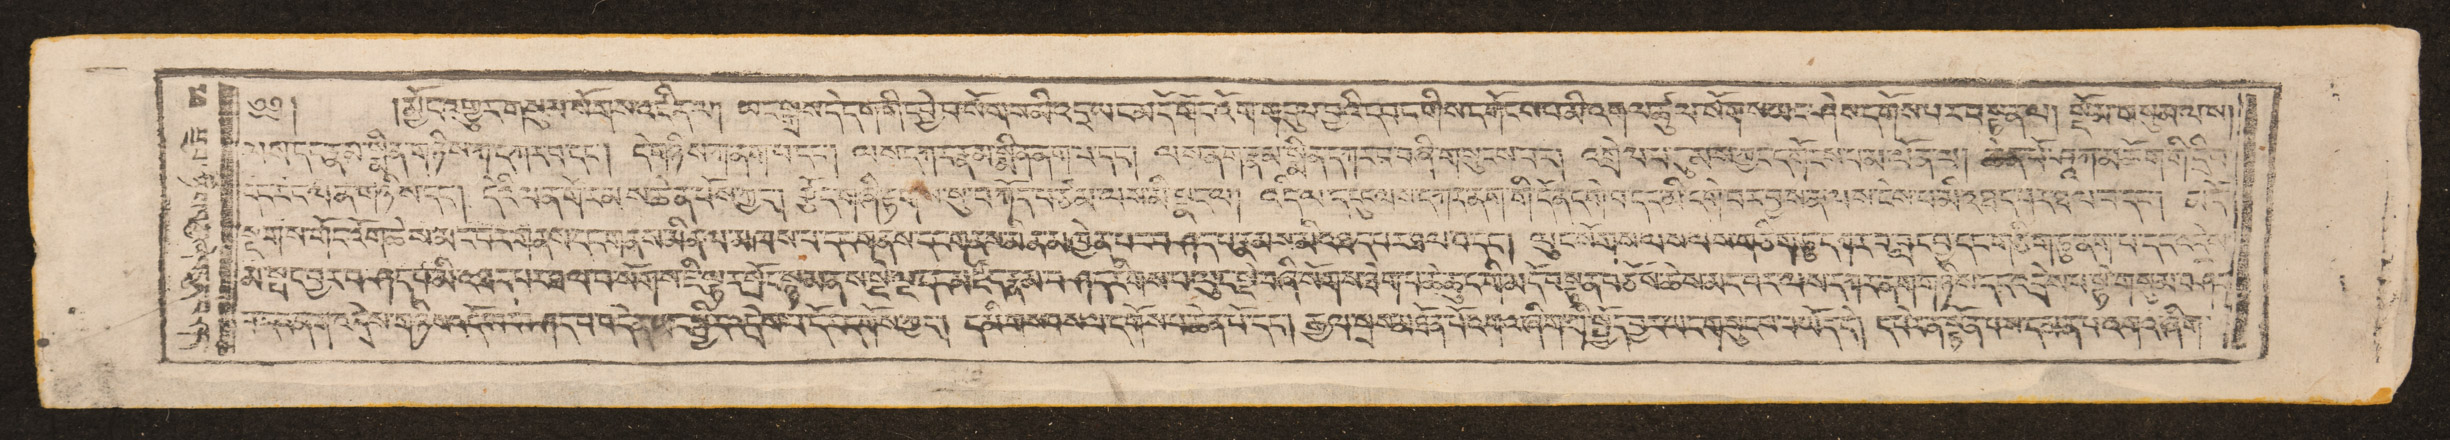༄༅། །མྱོང་འགྱུར་གསུམ་སོགས་འཛིན་ལ། ཡང་སྒྲས་དེ་དག་གི་དབྱེ་བ་སོགས་མི་འདྲ་མང་མོད་གོང་འོག་གདུལ་བྱའི་དབང་གིས་དགོངས་པ་མི་འགལ་ཚུལ་སོགས་ཡང་ཤེས་དགོས་པར་བསྟན་ལ། སྡོམ་གསུམ་ལས།
ལས་དང་རྣམ་སྨིན་གཉིས་ག་དཀར་བ་དང་། དེ་གཉིས་ཀ་ནག་བ་དང་། ལས་དཀར་རྣམ་སྨིན་ནག་པ་དང་། ལས་ནག་རྣམ་སྨིན་དཀར་བ་བཞི་གསུངས་པར། འགྲེ་བ་བདུ་མས་ཀྱང་དགོངས་པ་མ་ལོན་ལ། ཆེན་པོ་ཤཱཀ་མཆོག་གི་དྲི་བ་
དངར་དལ་ན་གཉིས་དང་། དེའི་ལན་གོ་རམས་ཆེན་པོས་ཀྱང་། རྩོད་གཞི་རྟགས་གུ་བཀོད་བ་ཙམ་ལས་མི་སྣང་ལ། འདི་ལ་ད་དུང་ལས་དཀར་ནག་གི་དོན་དགེ་བ་དང་མི་དགེ་བར་བྱས་ན་ལས་ངེས་བ་མི་འཐད་པར་ཐལ་བ་དང་། མདོ་
སྔགས་གོང་འོག་ཆེས་མང་པར་གནས་དང་གནས་མིན་པ་མཁས་པ་དང་གནས་དང་གནས་མིན་མཁྱེན་པར་བཤད་པ་རྣམས་མི་འཐད་པར་ཐལ་པ་དང་། ལུང་སོགས་ལས་ལས་གཅིག་ཏུ་དཀར་བ་བླང་བྱ་དང་གཅིག་ཏུ་ནག་པ་དང་འདྲེས་
མ་སྤང་བྱར་བཤད་པ་མི་འཐད་པར་ཐལ་པ་སོགས་ཇི་ལྟར་སྲོང་སྙམ་ནས་སྡེ་ལྔ་དང་མཛོད་རྣམ་བཤད་རིགས་པ་ལུང་སྡེ་བཞི་སོགས་ཐ་གབ་ཆེ་ཆུང་གི་མདོ་བསྟན་བཅོས་ཆེས་མང་བར་ལས་དཀར་ནག་གཉིས་དང་འདྲེས་པ་སྟེ་གསུམ་བཤད་
དང་ནག་འདྲེས་གཉིས་འདོར་བར་བཤད་པ་བདེན་ཡང་སྤྱིར་འདྲེས་བ་དོར་དགོས་ཀྱང་། དམིགས་བསལ་དགོས་པ་ཆེན་པོ་དང་། རྒྱལ་སྲས་མཐོན་པོ་འགའ་ཞིག་གི་སྤྱོད་བྱར་ཡང་གསུངས་པ་ཡོད་དེ། དཔེར་ན་སྟོན་པས་དམན་པ་འགའ་ཞིག་